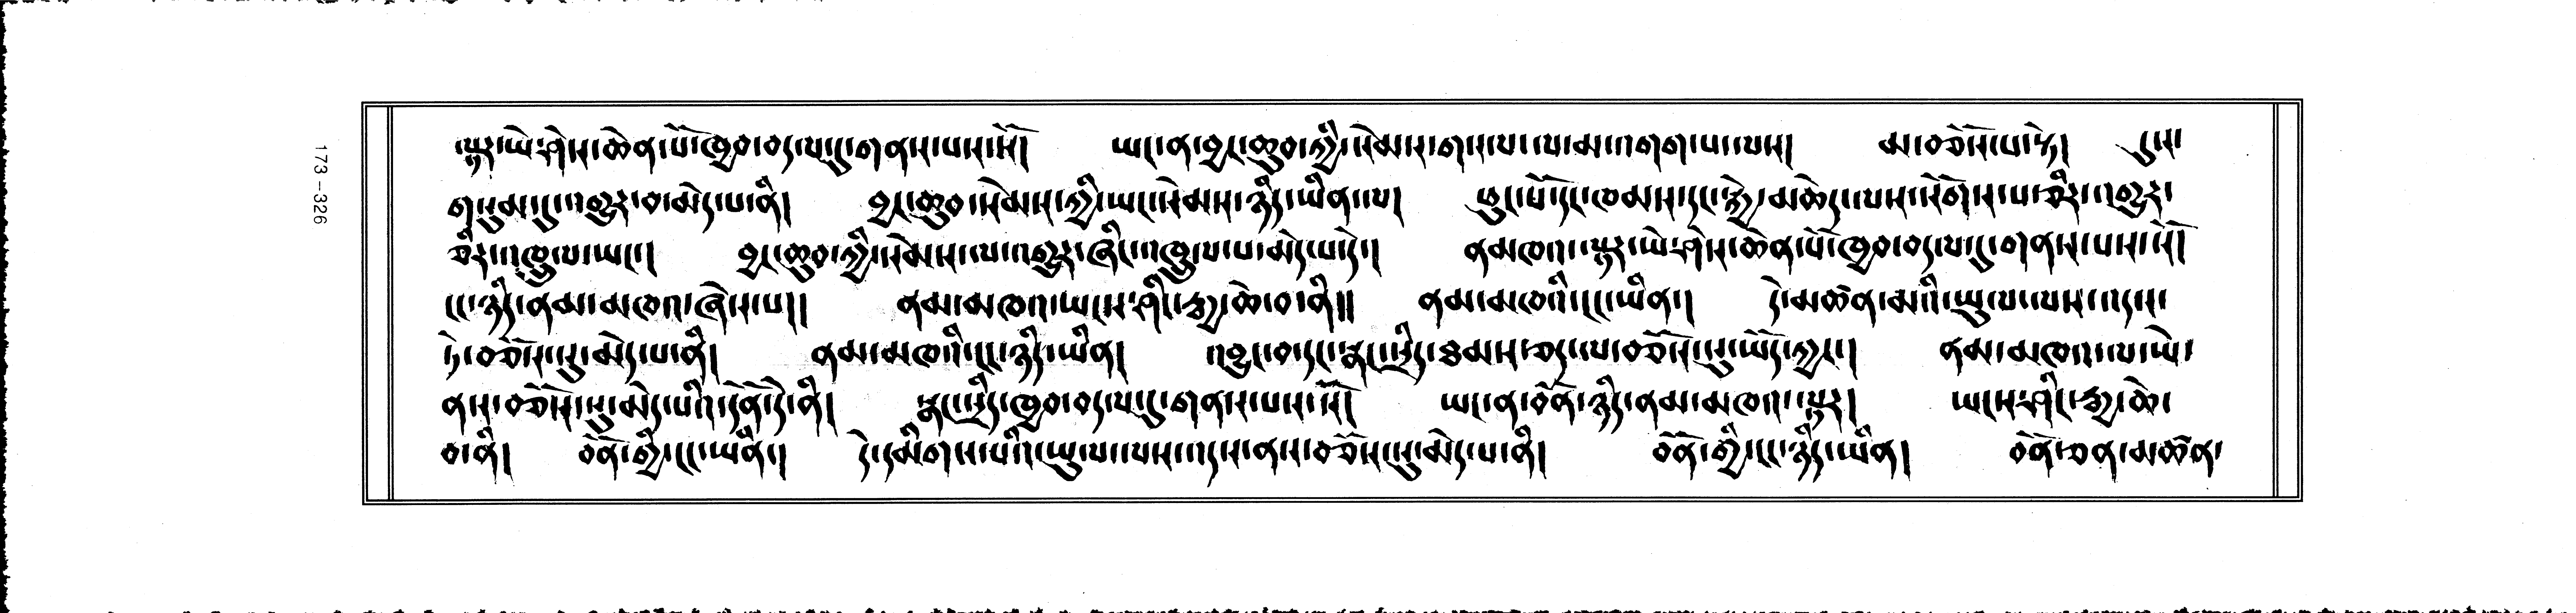ལྟར་ཡེ་ཤེས་ཆེན་པོ་ཁྱབ་བདལ་དུ་གནས་པས་སོ། །ཡང་ན་བྱང་ཆུབ་ཀྱི་སེམས་གསལ་ལ་མ་འགག་པ་ལས། མ་བཅོས་པ་སྟེ། དུས་
གསུམ་དུ་འགྱུར་བ་མེད་པ་ནི། བྱང་ཆུབ་སེམས་ཀྱི་ཡང་སེམས་ཉིད་ཡིན་ལ། ཕུང་པོ་དང་ཁམས་དང་སྐྱེ་མཆེད་ལས་སོགས་པ་ཅིར་འགྱུར་
ཅིར་འཁྲུལ་ཡང་། བྱང་ཆུབ་ཀྱི་སེམས་ལ་འགྱུར་ཞིང་འཁྲུལ་པ་མེད་དེ། ནམ་མཁའ་ལྟར་ཡེ་ཤེས་ཆེན་པོ་ཁྱབ་བདལ་དུ་གནས་པས་སོ། །
ངང་ཉིད་ནམ་མཁའ་ཞེས་པ། ནམ་མཁའ་ཡངས་ཤིང་རྒྱ་ཆེ་བ་ནི། ནམ་མཁའི་ངང་ཡིན། དེ་མཚན་མའི་ཡུལ་ལས་འདས་
ཏེ་བཅོས་སུ་མེད་པ་ནི། ནམ་མཁའི་ངང་ཉིད་ཡིན། འབྱུང་བ་དང་སྣང་སྲིད་ཐམས་ཅད་ལ་བཅོས་སུ་ཡོད་ཀྱང་། ནམ་མཁའ་ལ་ཡེ་
ནས་བཅོས་སུ་མེད་པའི་དོན་དེ་ནི། སྣང་སྲིད་ཁྱབ་བདལ་དུ་གནས་པས་སོ། །ཡང་ན་བོན་ཉིད་ནམ་མཁའ་ལྟར། ཡངས་ཤིང་རྒྱ་ཆེ་
བ་ནི་བོན་གྱི་ངང་ཡིན་ལ། དེ་དམིགས་པའི་ཡུལ་ལས་འདས་ནས་བཅོས་སུ་མེད་པ་ནི། བོན་གྱི་ངང་ཉིད་ཡིན། བོན་ཅན་མཚན་